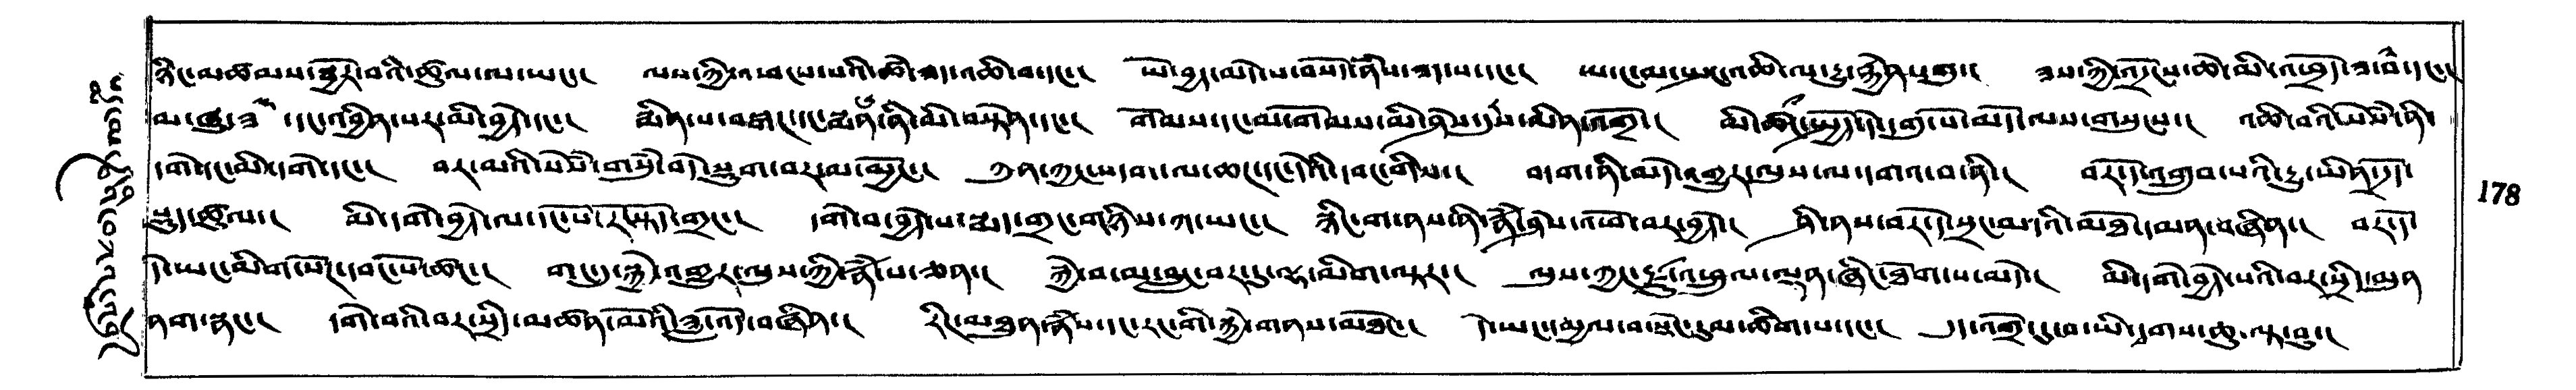ཉིང་མཚམས་སྦྱོར་བའི་ཚུལ་ལ་ཡང་། །ལས་ཀྱི་འཕངས་པའི་ཚེ་ཟད་འཆི་བ་དང་། །ཡོ་བྱད་མེད་པ་བསོད་ནམས་ཟད་པ་དང། །ཡ་ང་མ་སྤང་འཆི་ལ་རྒྱུ་རྐྱེན་དགུ། །ཟས་ཀྱིས་འགྲེང་་ཚེ་མི་འཕྲོད་ཟ་བ་དང་། །
མ་ཞུ་ཟ་དང་འབྱིན་པར་མི་བྱེད་དང་། །སྨིན་པ་བསྒགས་དང་སྨན་ནི་མི་བརྟེན་དང་། །གོམས་དང་མ་གོམས་མི་ཤེས་དུས་མིན་འགྲོ། །མི་ཚངས་སྤྱོད་དེ་དགུ་པོ་མདོ་ལས་གསུངས། །འཆི་བའི་སེམས་ནི་
དགེ་དང་མི་དགེ་དང་། །བར་མའི་སེམས་གསུམ་བདེ་སྡུག་བར་མ་མྱོང་། །ཀུན་ཀྱང་བདག་ལ་ཆགས་དང་དེའི་དབང་གིས། །བདག་ནི་མེད་འགྱུར་ལུས་ལ་དགའ་བ་ནི། །བར་དོ་འགྲུབ་པའི་རྒྱུ་ཡིན་དྲོད་
སྡུད་ཚུལ། །མི་དགེ་བྱེད་ལ་དང་པོ་རོ་སྟོད་གྲང་། །དགེ་བ་བྱེད་པ་སྨད་གྲང་གཉིས་ཀ་ཡང་། །སྙིང་ག་ནས་ནི་རྣམ་ཤེས་འཕོ་བར་བྱེད། །ཤི་ནས་བར་དོ་སྲང་མདའི་མཐོ་དམན་བཞིན། །བར་དོ་
དེ་ཡང་མིག་སོགས་དབང་པོ་ཚང་། །གང་དུ་སྐྱེ་འགྱུར་ལུས་ཀྱི་རྣམ་པ་ཅན། །སྐྱེ་བ་མ་བླང་བར་དུ་ལྷ་མིག་ལྟར། །ལུས་ཀྱང་རྫུ་འཕྲུལ་ལྡན་ཞིང་ཐོགས་པ་མེད། །མི་དགེ་བྱེད་པའི་བར་སྲིད་མུན་
ནག་སྣང་། །དགེ་བའི་བར་སྲིད་མཚན་མོའི་ཟླ་འོད་བཞིན། །རིགས་མཐུན་རྣམས་དང་རང་གི་སྐྱེ་གནས་མཐོང་། །དེ་ཡང་དམྱལ་བ་སྡོང་དུམ་ཚིག་པ་དང་། །དུད་འགྲོ་དུ་བ་ཡི་དྭགས་ཆུ་ལྟ་བུ། །